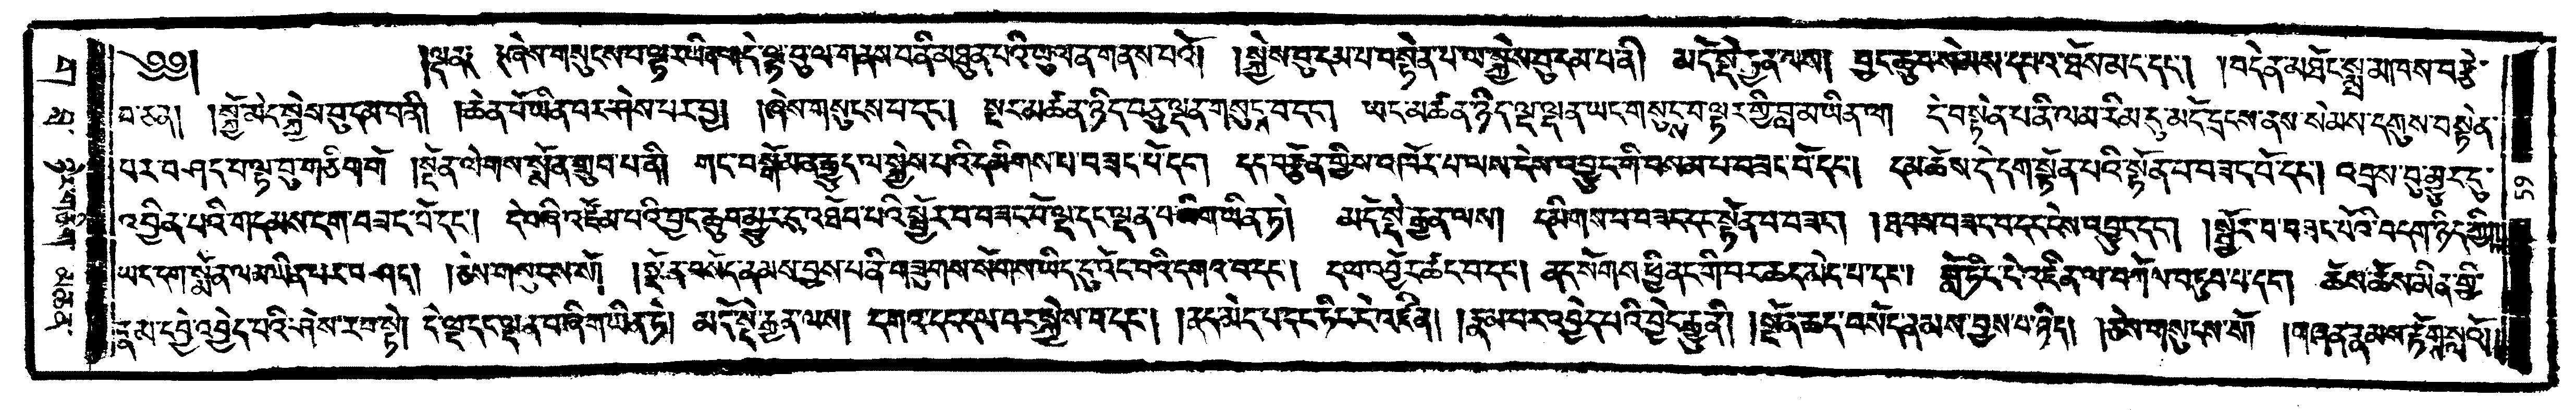༄༅། །ལྡན༑ ༑ཞེས་གསུངས་བལྟར་ཡིན་བདེ་ལྟ་བུ་ལ་གནས་པ་ནི་མཐུན་པའི་ཡུལ་ན་གནས་པའོ། །སྐྱེས་བུ་དམ་པ་བསྟེན་པ་ལ་སྐྱེས་བུ་དམ་བ་ནི། མདོ་སྡེ་རྒྱན་ལས། བྱང་ཆུབ་སེམས་དཔའ་ཐོས་མང་དང་། །བདེན་མཐོང་སྨྲ་མཁས་བརྩེ་
བ་ཅན། །སྐྱོ་མེད་སྐྱེས་བུ་དམ་པ་ནི། །ཆེན་པོ་ཡིན་པར་ཤེས་པར་བྱ། །ཞེས་གསུངས་པ་དང་། སྔར་མཚན་ཉིད་བཅུ་ལྡན་གསུངས་བ་དང་། ཡང་མཚན་ཉིད་ལྔ་ལྡན་ཡང་གསུངས་བ་ལྟར་གྱི་བླ་མ་ཡིན་ལ། དེ་བསྟེན་པ་ནི་ལམ་རིམ་དུ་མདོ་དྲངས་ནས་སེམས་དགུས་བསྟེན་
པར་བཤད་པ་ལྟ་བུ་གཅིག་གོ །སྔོན་ལེགས་སྨོན་གྲུབ་པ་ནི། གང་བསྒོམ་ན་རྒྱུད་ལ་སྐྱེས་པའི་དམིགས་པ་བཟང་པོ་དང་། དད་བརྩོན་གྱིས་འཁོར་པ་ལས་ངེས་འབྱུང་གི་བསམ་པ་བཟང་བོ་དང་། དམ་ཆོས་དེ་དག་སྟོན་པའི་སྟོན་པ་བཟང་པོ་དང་། འབྲས་བུ་མྱུར་དུ་
འབྱིན་པའི་གདམས་ངག་བཟང་པོ་དང་། དེ་བཞི་འཛོམ་པའི་བྱང་ཆུབ་མྱུར་དུ་འཐོབ་པའི་སྦྱོར་བ་བཟང་པོ་ལྔ་དང་ལྡན་པ་ཡིག་ཡིན་ཏེ། མདོ་སྡེ་རྒྱན་ལས། དམིགས་པ་བཟང་དང་སྟོན་པ་བཟང་། །ཐབས་བཟང་བ་དང་ངེས་འབྱུང་དང་། །སྦྱོར་བ་བཟང་པོའི་བདག་ཉིད་ཀྱི།།
ཡང་དག་སྨོན་ལམ་ཡིན་པར་བཤད། །ཅེས་གསུངས་སོ། །སྔོན་བསོ་ནམས་བྱས་པ་ནི་གཟུགས་སོགས་ཡིད་དུ་འོང་བའི་དགའ་བ་དང་། དལ་འབྱོར་ཚང་བ་དང་། ནད་སོགས་ཕྱི་ནང་གི་བར་ཆད་མེད་པ་དང་། སྨོ་ཏིང་ངེ་འཛིན་ལ་བཀོད་བཏུབ་པ་དང་། ཆོས་ཆོས་མིན་གྱི་
རྣམ་དབྱེ་འབྱེད་པའི་ཤེས་རབ་སྟེ། དེ་ལྔ་དང་ལྡན་བཞིག་ཡིན་ཏེ། མདོ་སྡེ་རྒྱན་ལས། དགའ་དང་དལ་བར་སྐྱེས་བ་དང་། །ནང་མེད་པ་དང་ཏིང་ངེ་འཛིན། །རྣམ་པར་འབྱེད་པའི་བྱེད་རྒྱུ་ནི། །སྔོན་ཆད་བསོད་ནམས་བྱས་པ་ཉིད། །ཅེས་གསུངས་སོ། །གཞན་རྣམས་རྟོགས་སླའོ།།